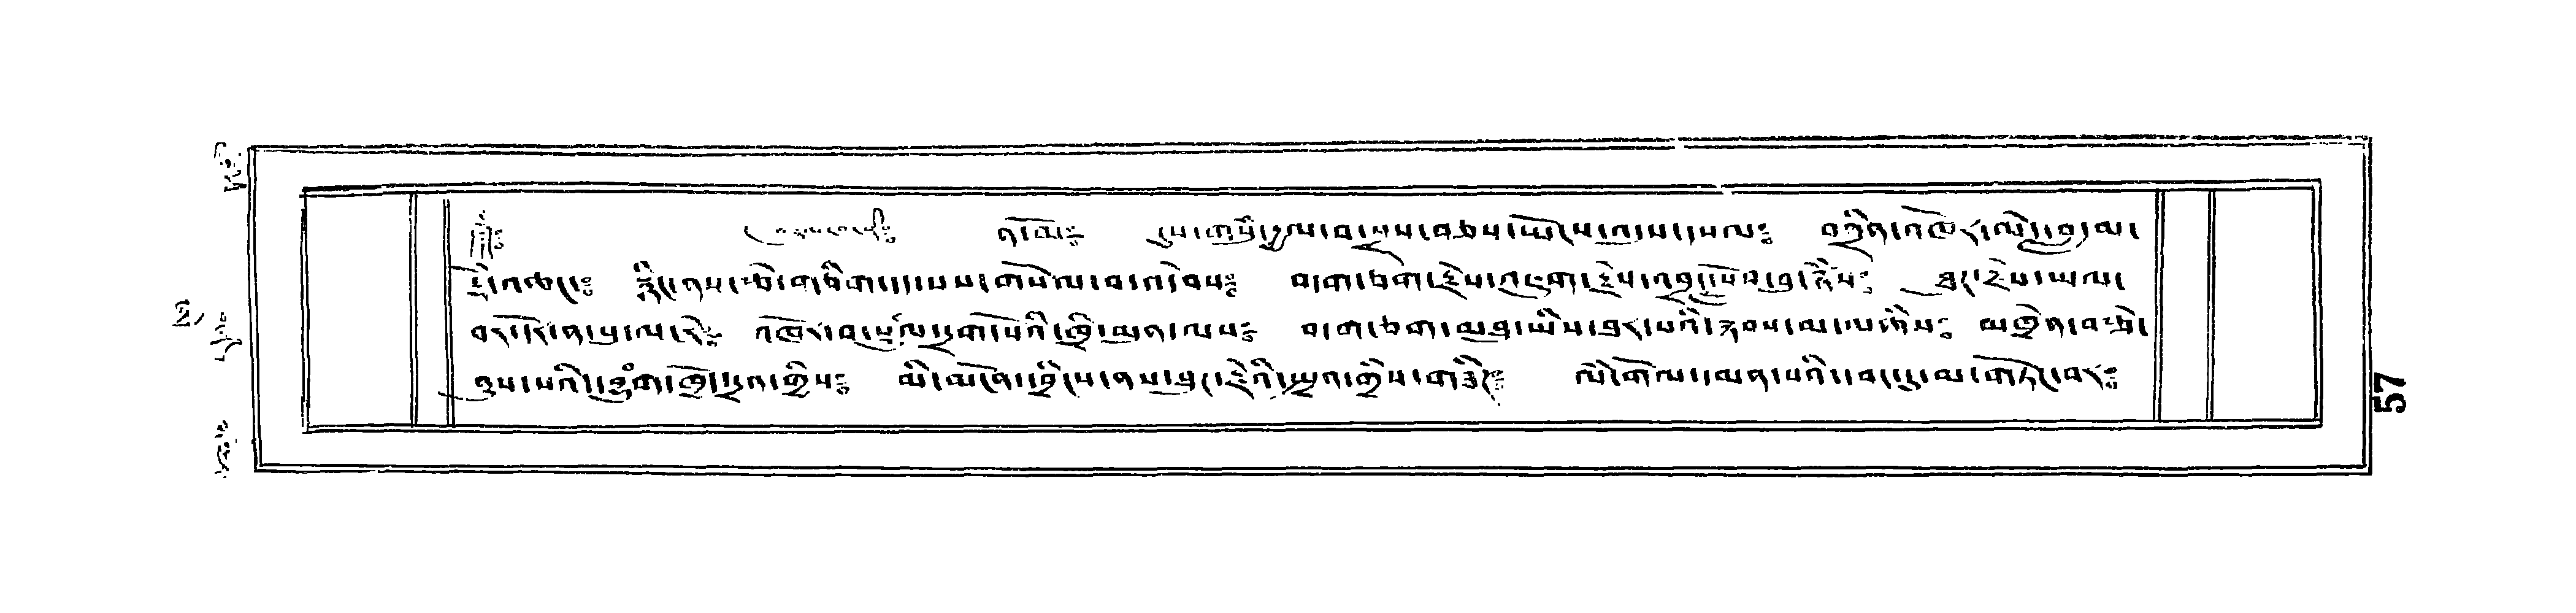བསྐུལ་བ་ནི༔ ན་མོ༔ དུས་གསུམ་རྒྱལ་བ་སྲས་བཅས་ཡོངས་འདུས་དཔལ༔ བཀའ་དྲེིན་འཁོར་མེད་བླ་མ་
རྡོ་རྗེ་འཆང༔ སྙིང་ནས་རྩེ་གཅིག་དད་པས་གསོལ་བ་འདེབས༔ བདག་ཅག་རྗེས་འཇུག་རྗེས་འབྲང་སློབ་བུ་རྣམས༔ ཐུགས་རྗེས་ཡལ་
བར་དོར་ན་སུ་ལ་རེ༔ འཁོར་བ་སྡུག་བསྔལ་དྲག་པོའི་ཁྲི་མུན་ལས༔ བདག་ཅག་མཐུ་ཡིས་ཐར་བའི་སྐབས་མ་མཆིས༔ མཁྱེན་བརྩེ་
ནུས་པའི་དབང་ཕྱུག་ཁྱོད་དྲན་གྱིས༔ མི་མངོན་དབྱིངས་ནས་ཐུགས་རྗེའི་སྤྱན་གྱིས་གཟིགས༔ ལམ་གོལ་དམན་པའི་དབང་དུ་མ་གཏོང་བར༔